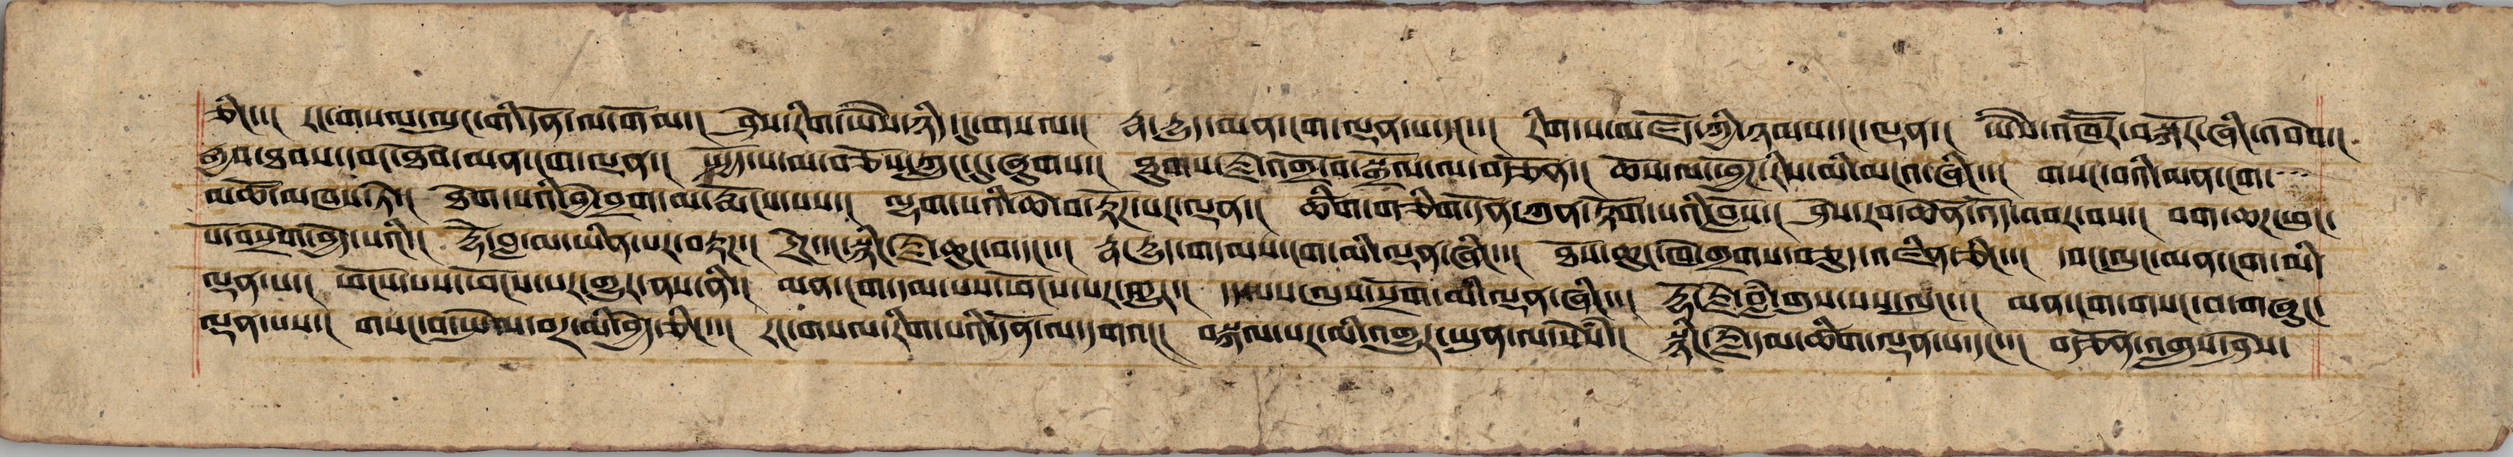ཅིང་་། རང་གསལ་ལུང་གི་དོན་ལ་གོམ་། ཤེས་རིག་ཡཻས་ཉིད་དུ་གསལ་། རྣ་དྱུད་མན་ངག་ལྡན་པ་དང་་། རིག་པ་མཛོད་ཀྱི་ཉམས་དང་ལྡན་། ཡཻས་འཁཽར་བསྐོར་ཞིང་འབེབ་།
རྒྱབ་ཐབས་དབང་ཐོབ་མན་ངག་ལྡན་། སྤྱོད་པ་མ་བཅོས་ཀླུང་དུ་ཞུགས་། ཐུགས་རྗེ་འགྲོ་བ་སྒྲོལ་ལ་བརྩོན་། ཆོས་ལ་ཕྱོཌ་རིས་མི་མངའ་ཞིང་་། གསང་བའི་མན་ངག་
མཚོ་མཁས་ཏེ་། ཐེག་པའི་བྱེ་བྲག་མ་རྨོངས་པས་། ལྷག་པའི་ཆེ་བ་རྟོཌ་པར་ལྡན་། ཚིག་གཅིག་དོན་ཀུན་རྟོག་པའི་བློས་། ཤེས་རབ་ཆེནོ་འོད་འབར་བས་། བག་ཆཌ་ཕུང་
པོ་བསྲེག་བྱེད་པའི་། རྡོེ་བླ་མ་ཡིན་པར་བརྟཌ་། དྲེཌ་དང་སྙིང་རྗེ་ཆུང་བ་དང་་། རྣ་དྱུད་གདམས་ངག་མི་ལྡན་ཞིང་་། ཐོས་ཆུང་ཁེ་གྲགས་བཅུད་འཛིན་ཅིང་་། དབང་ལུང་མན་ངག་མི་
ལྡན་པ་། ཕོངས་པས་ཕོངས་པར་གྱུར་ནས་ནི་། མན་ངག་དམ་པས་ཕོངས་པར་གྱུར་། དད་པས་ལུས་སྲོག་མི་ལྡན་ཞིང་་། རྡོ་རྗེ་བླཾ་གུས་པས་ལུང་་། མན་ངག་གསང་བ་གཞུང་
ལྡན་པས་། གསང་བ་སྤེལ་བར་མི་བྱེད་ཅིང་་། རང་གསལ་རིག་པའི་དོན་ལ་དགའ།།། བསྐལ་པར་མི་འགྱུར་ཡུན་ལ་སེཾས་། སྙིང་རྗེ་དམ་ཚིག་ལྡན་པ་དང་་། བརྩོན་འགྲུས་ཤེས་